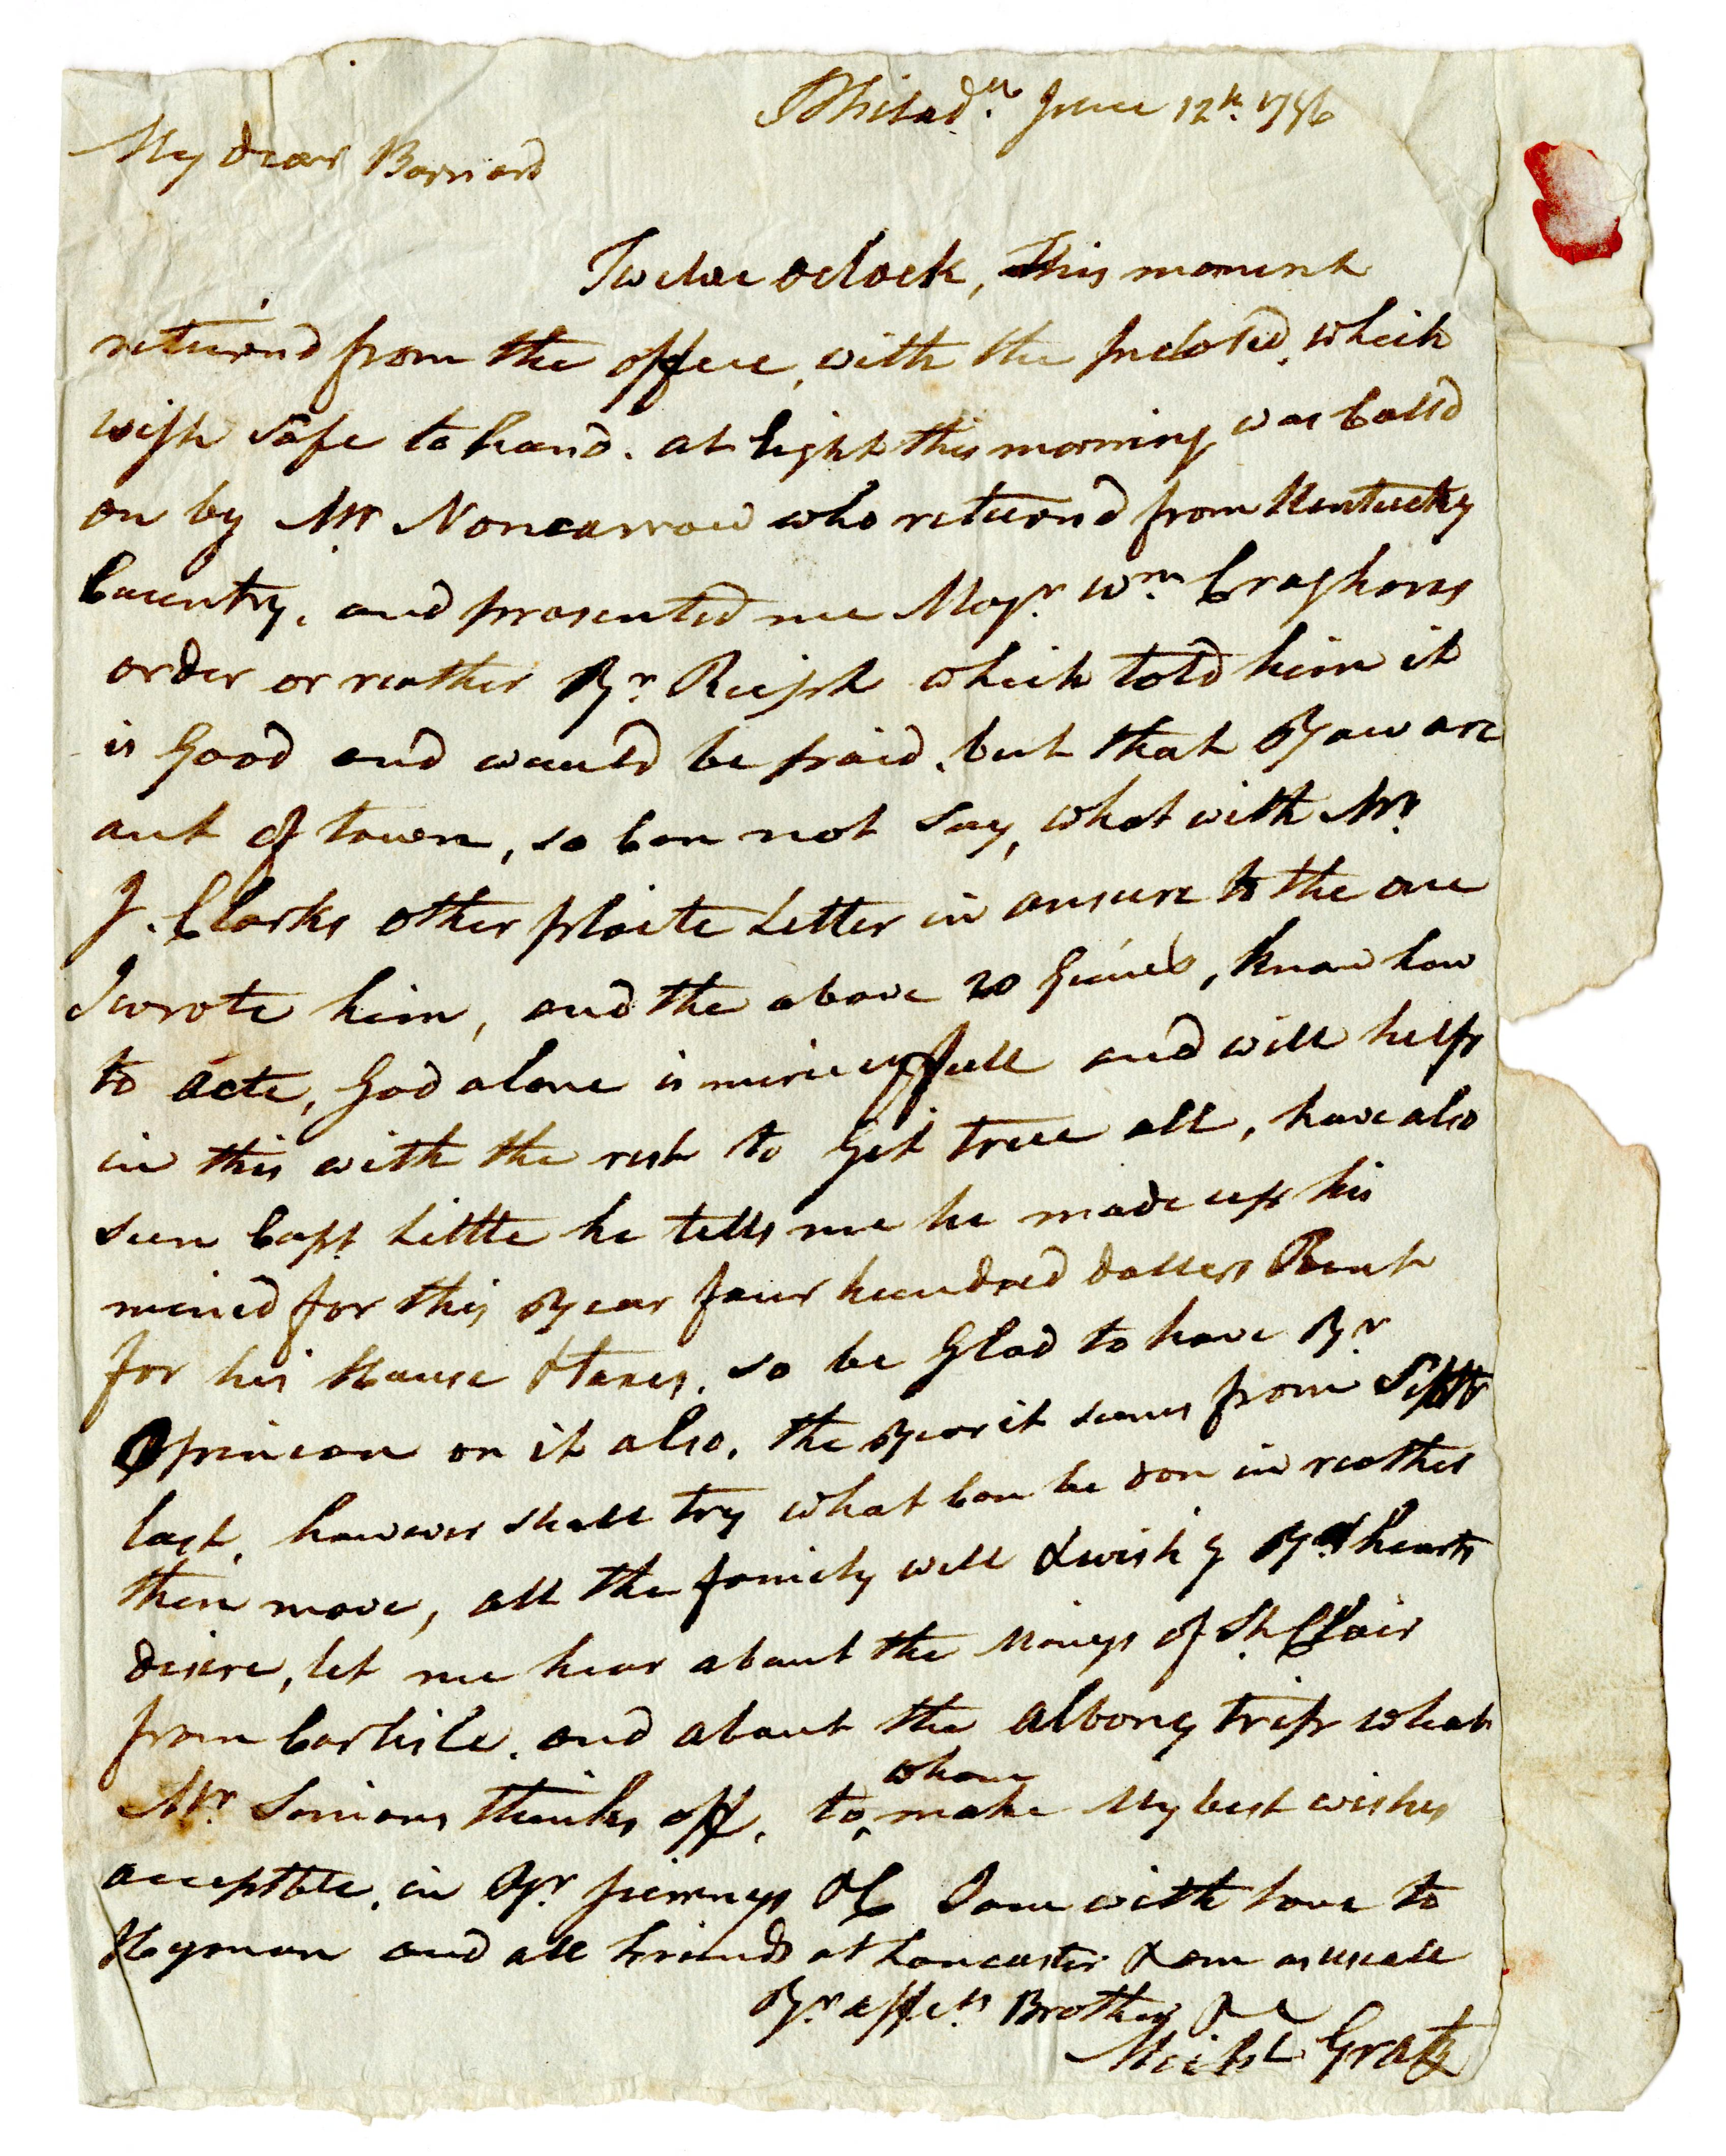Philad^a. June 12^th. 1786
My Dear Barnard
Twelve oclock, This moment
return'd from the offece with the Inclosed which
wish safe to hand. at light this morning was Calld
on by Mr Noncarrow who returnd from Kentucky
Country. and presented me Maj^r. W^m. Craghons
order or rather y^r. Recipt which told him it
is Good and would be paid. but that you are
out of town, so Can not say, what with M^r
J. Clarks other ploite Letter in answer to the one
I wrote him, and the above so feveres, know how
to acte, God alone is mercyfull and will help
in this with the rest to Git true all, have also
seen Cap^t Little he tells me he made up his
mined for this year four hundred dollars Bank
for his House story, so be glad to have Y^r.
opinion on it also, the year it seems from Supp^t
last, however shall try what Can be don in rather
then move, all the family well & wish'g y^r. hearts
desire, let me hear about the Minys of St Clair
from Carlisle and about the albong trip what
where
M^r Simon thinks off to ^ make My best wishes
acceptble, in y^r. Fremnys &C I am with love to
& Simon and all friends at Lancaster. & as usuall
y^r. affec^t. Brother &^c
Mich^l Gratz